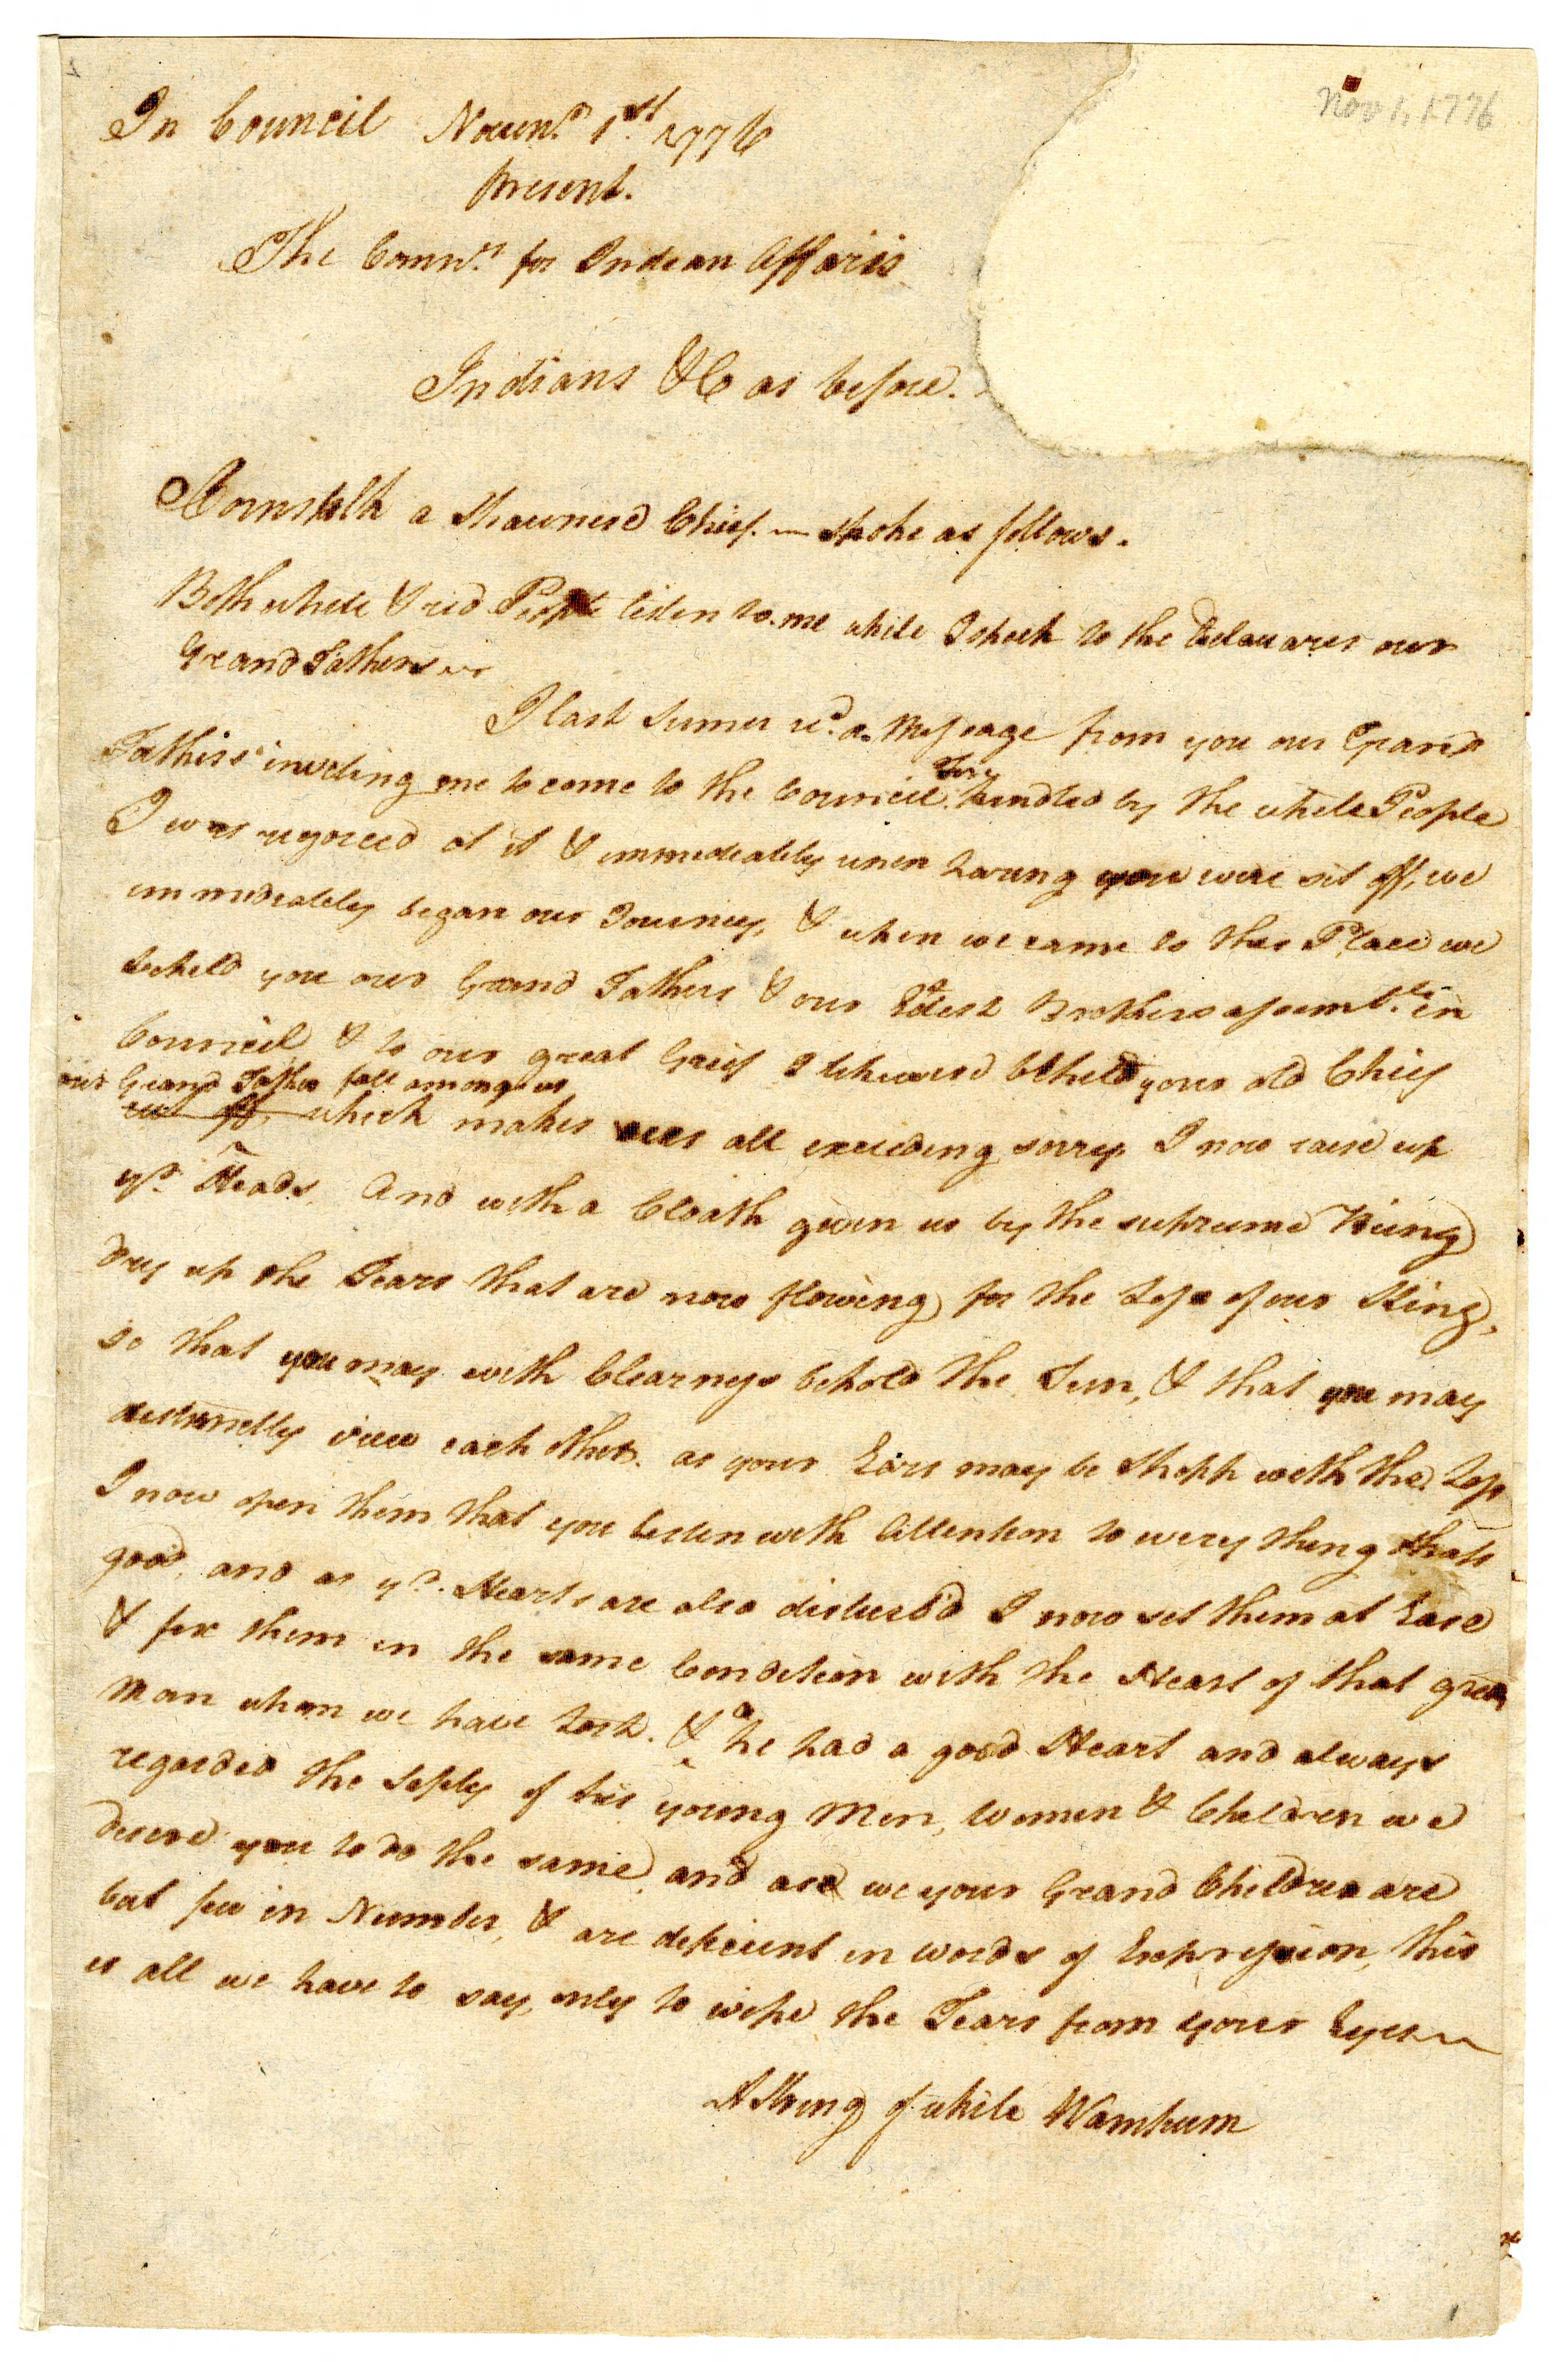In Council Novem^r. 1^st. 1776
present.
The Comn^r. for Indian Affaris
Indians &c as before.
Cornstalk a Shawnese Chief.- spoke as follows.
Both white & red People listen to me while I speak to the Delawares our
Grand Fathers-
I last Sumer re^d. a Message from you our Grand
Fire
Fathers inviting me to come to the Council^ kindled by the white People
I was rejoiced at it & immedeately upon hearing you were sit off, we
immediately began our Journey, & when we came to this Place we
beheld you our Grand Fathers & our Eldest Brothers assemb^le in
Council & to our great Grief I [____]ed beheld your old Chief
our Grand Father fall among us
cut off, which makes us all exceeding sorry I now raise up
y^r. Heads. And with a Cloath given us by the supreme Being
dry up the Tears that are now flowing for the Loss of our King,
so that you may with Clearness behold the Sun, & that you may
externally view each other as your Ears may be stopp with the Loss
I now open them that you listen with attention so every thing thats
good and as y^r. Hearts are also disturb'd I now set them at Ease
& for them in the same Condition with the Heart of that great
Man whom we have Lost. & he had a good Heart and always
regarded the safety of his young men, women & Children we
desired you to do the same and as we your Grand Children are
but few in Number, & are deficient in words of Expression, this
is all we have to say, only to wipe the Tears from your Eyes-
A String of white Wampum